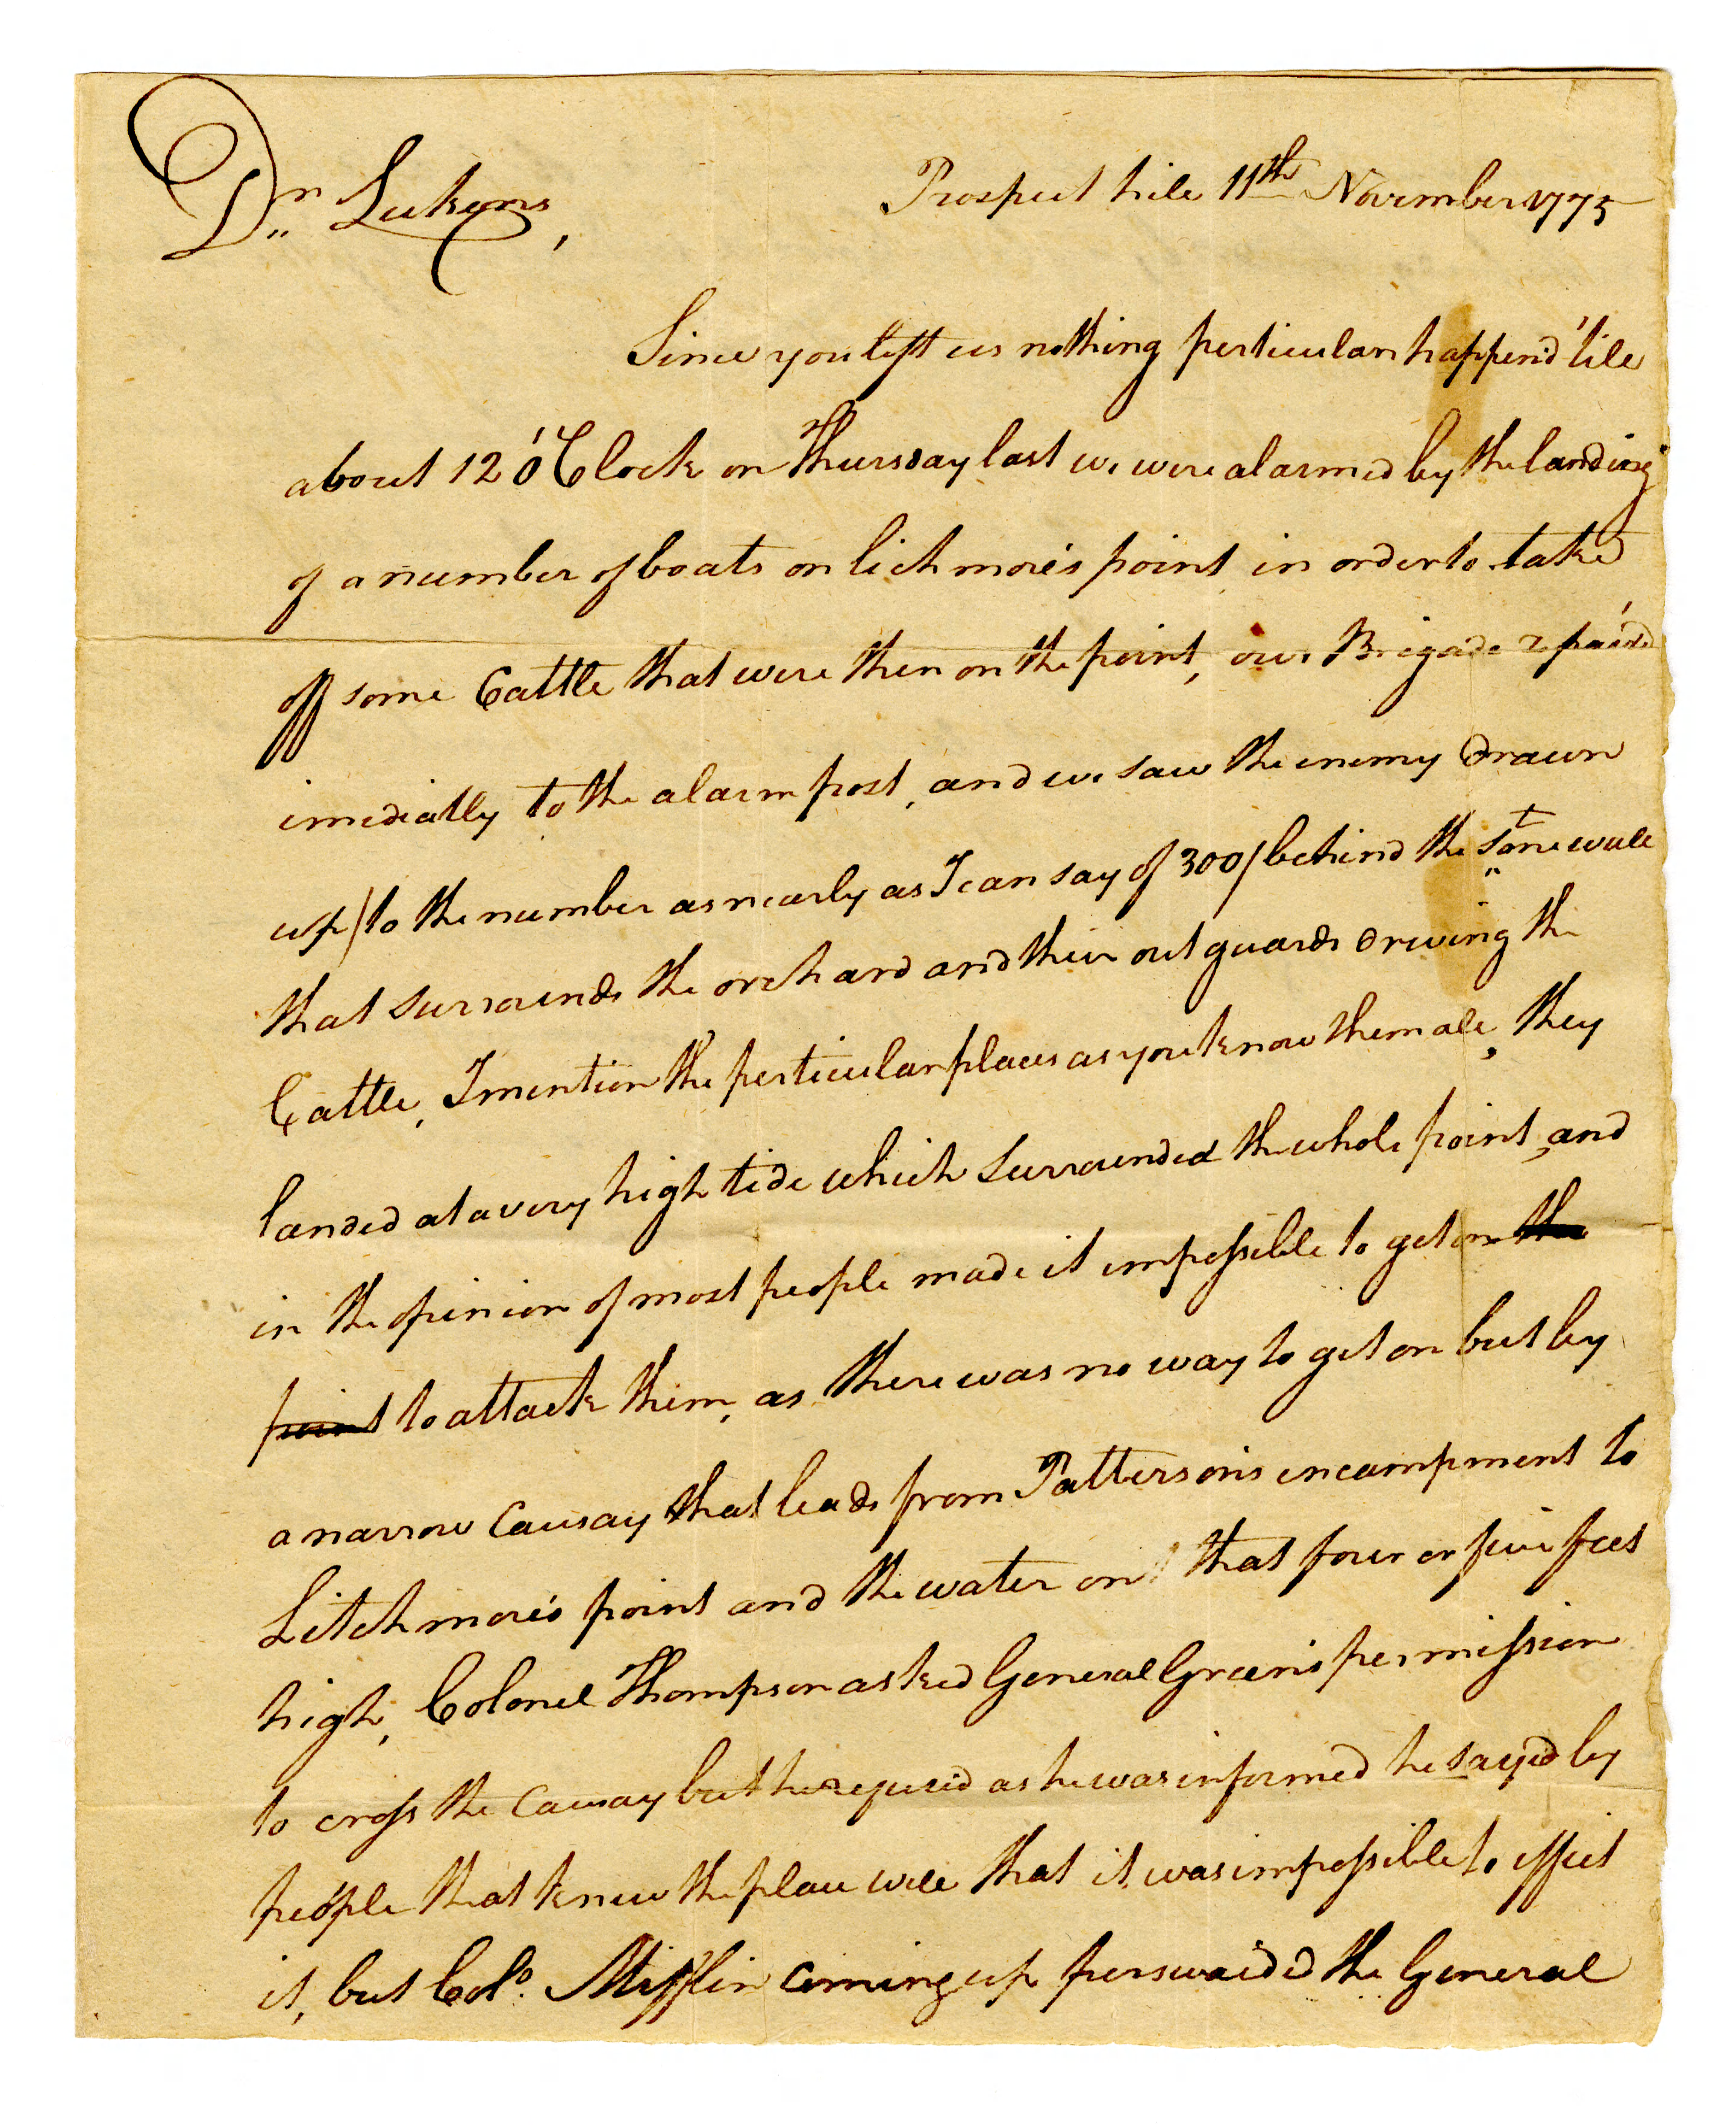Prospect hill 11^th November 1775
D^r. Lukens,
Since you left us nothing perticular happened 'till
about 12 o'Clock on Thursday last we were alarmed by the landing
of a number of boats on lichmore's point in order to take
off some Cattle that were then on the point, our Brigade depart'd
imediately to the alarm post, and we saw the enemy drawn
up (to the number as nearly as I can say of 300) behind the s^tone wall
that surrounds the orchard and then out guards drawing the
Cattle, I mention the perticular places as you know them all, they
landed at a very high tide which surrounded the whole point, and
in the opinion of most people made it impossible to get on [the]
[_____] to attack them, as there was no way to get on but by
a narrow Causay that leads from Patterson's encampment to
Litchmore's points and the water on that four or five feet
high, Colonel Thompson asked General Green's permission
to cross the Causay but he refused as he was informed he sayed by
people that knew the place well was that it was impossible to effect
it, but Col^o. Mifflin coming up perswaided the General